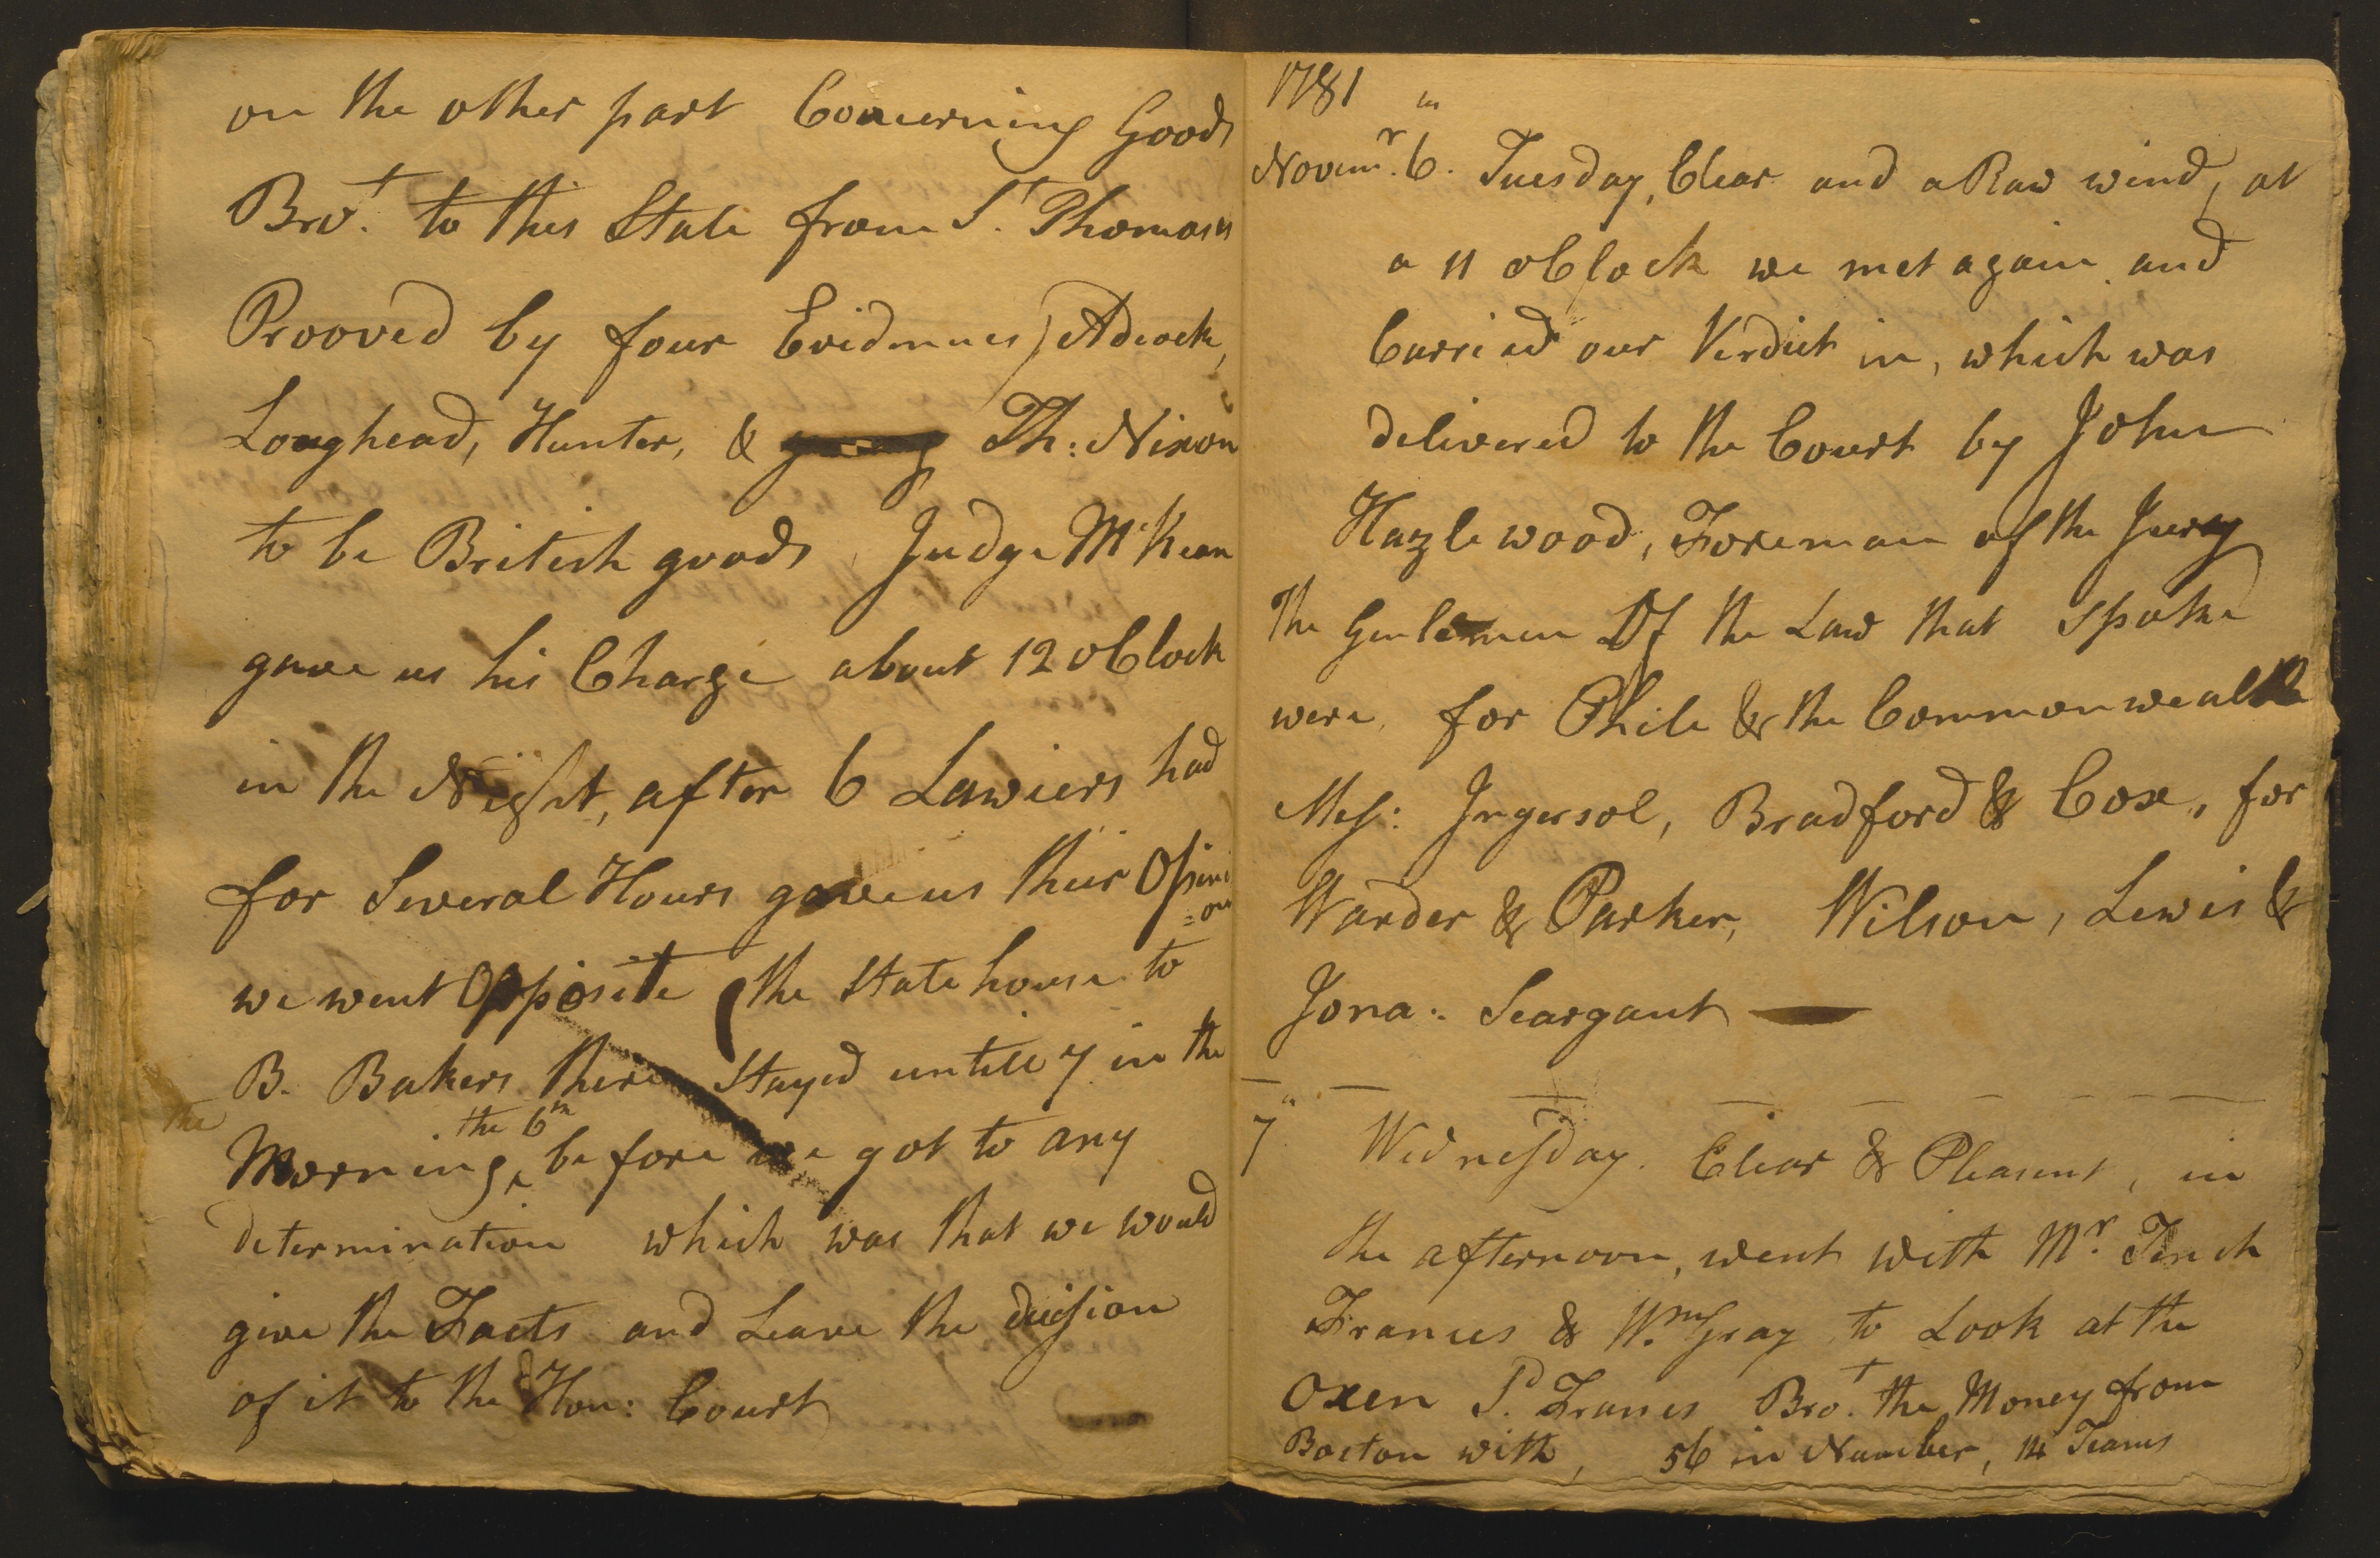on the other part Concerning Goods
Bro^t. to this State from S^t. Thomases
Prooved by four Evidences) Adcock
Loaghead, Hunter, & [____] Th. Nixon
to be British goods, Judge M^cKean
gave us his Charge about 12 oClock
in the Night, after 6 Lawiers had
for Teveral Hours gave us their Opini
-on
we went opposite the State house to
B. Bakers there Stayed untill 7 in the
the
the 6^th
Morning, ^ be fore we got to any
determnation. which was that we would
give the Facts and Leave the decision
of it to the Hon: Court
1781
Novem^r. 6. Tuesday, Clear and a Raw wind, at
a 11 oClock we met again and
Carried our Verdict in, which was
delivered to the Court by John
Hazlewood, Foreman of the Jurry
The Genlemen Of the Law that spake
were, for Phile & the Commonwealth
Mes: Ingersol, Bradford & Cox, for
Harder & Parker, Wilson, Lewis &
Jona: Seargant
7 Wednesday. Clear & Pleasent, in
the afternoon went with M^r. Tench
Frances & W^m. Gray to Look at the
oxen s^d. Franes Bro^t. the Money from
Boston with 56 in Number, 14 Teams